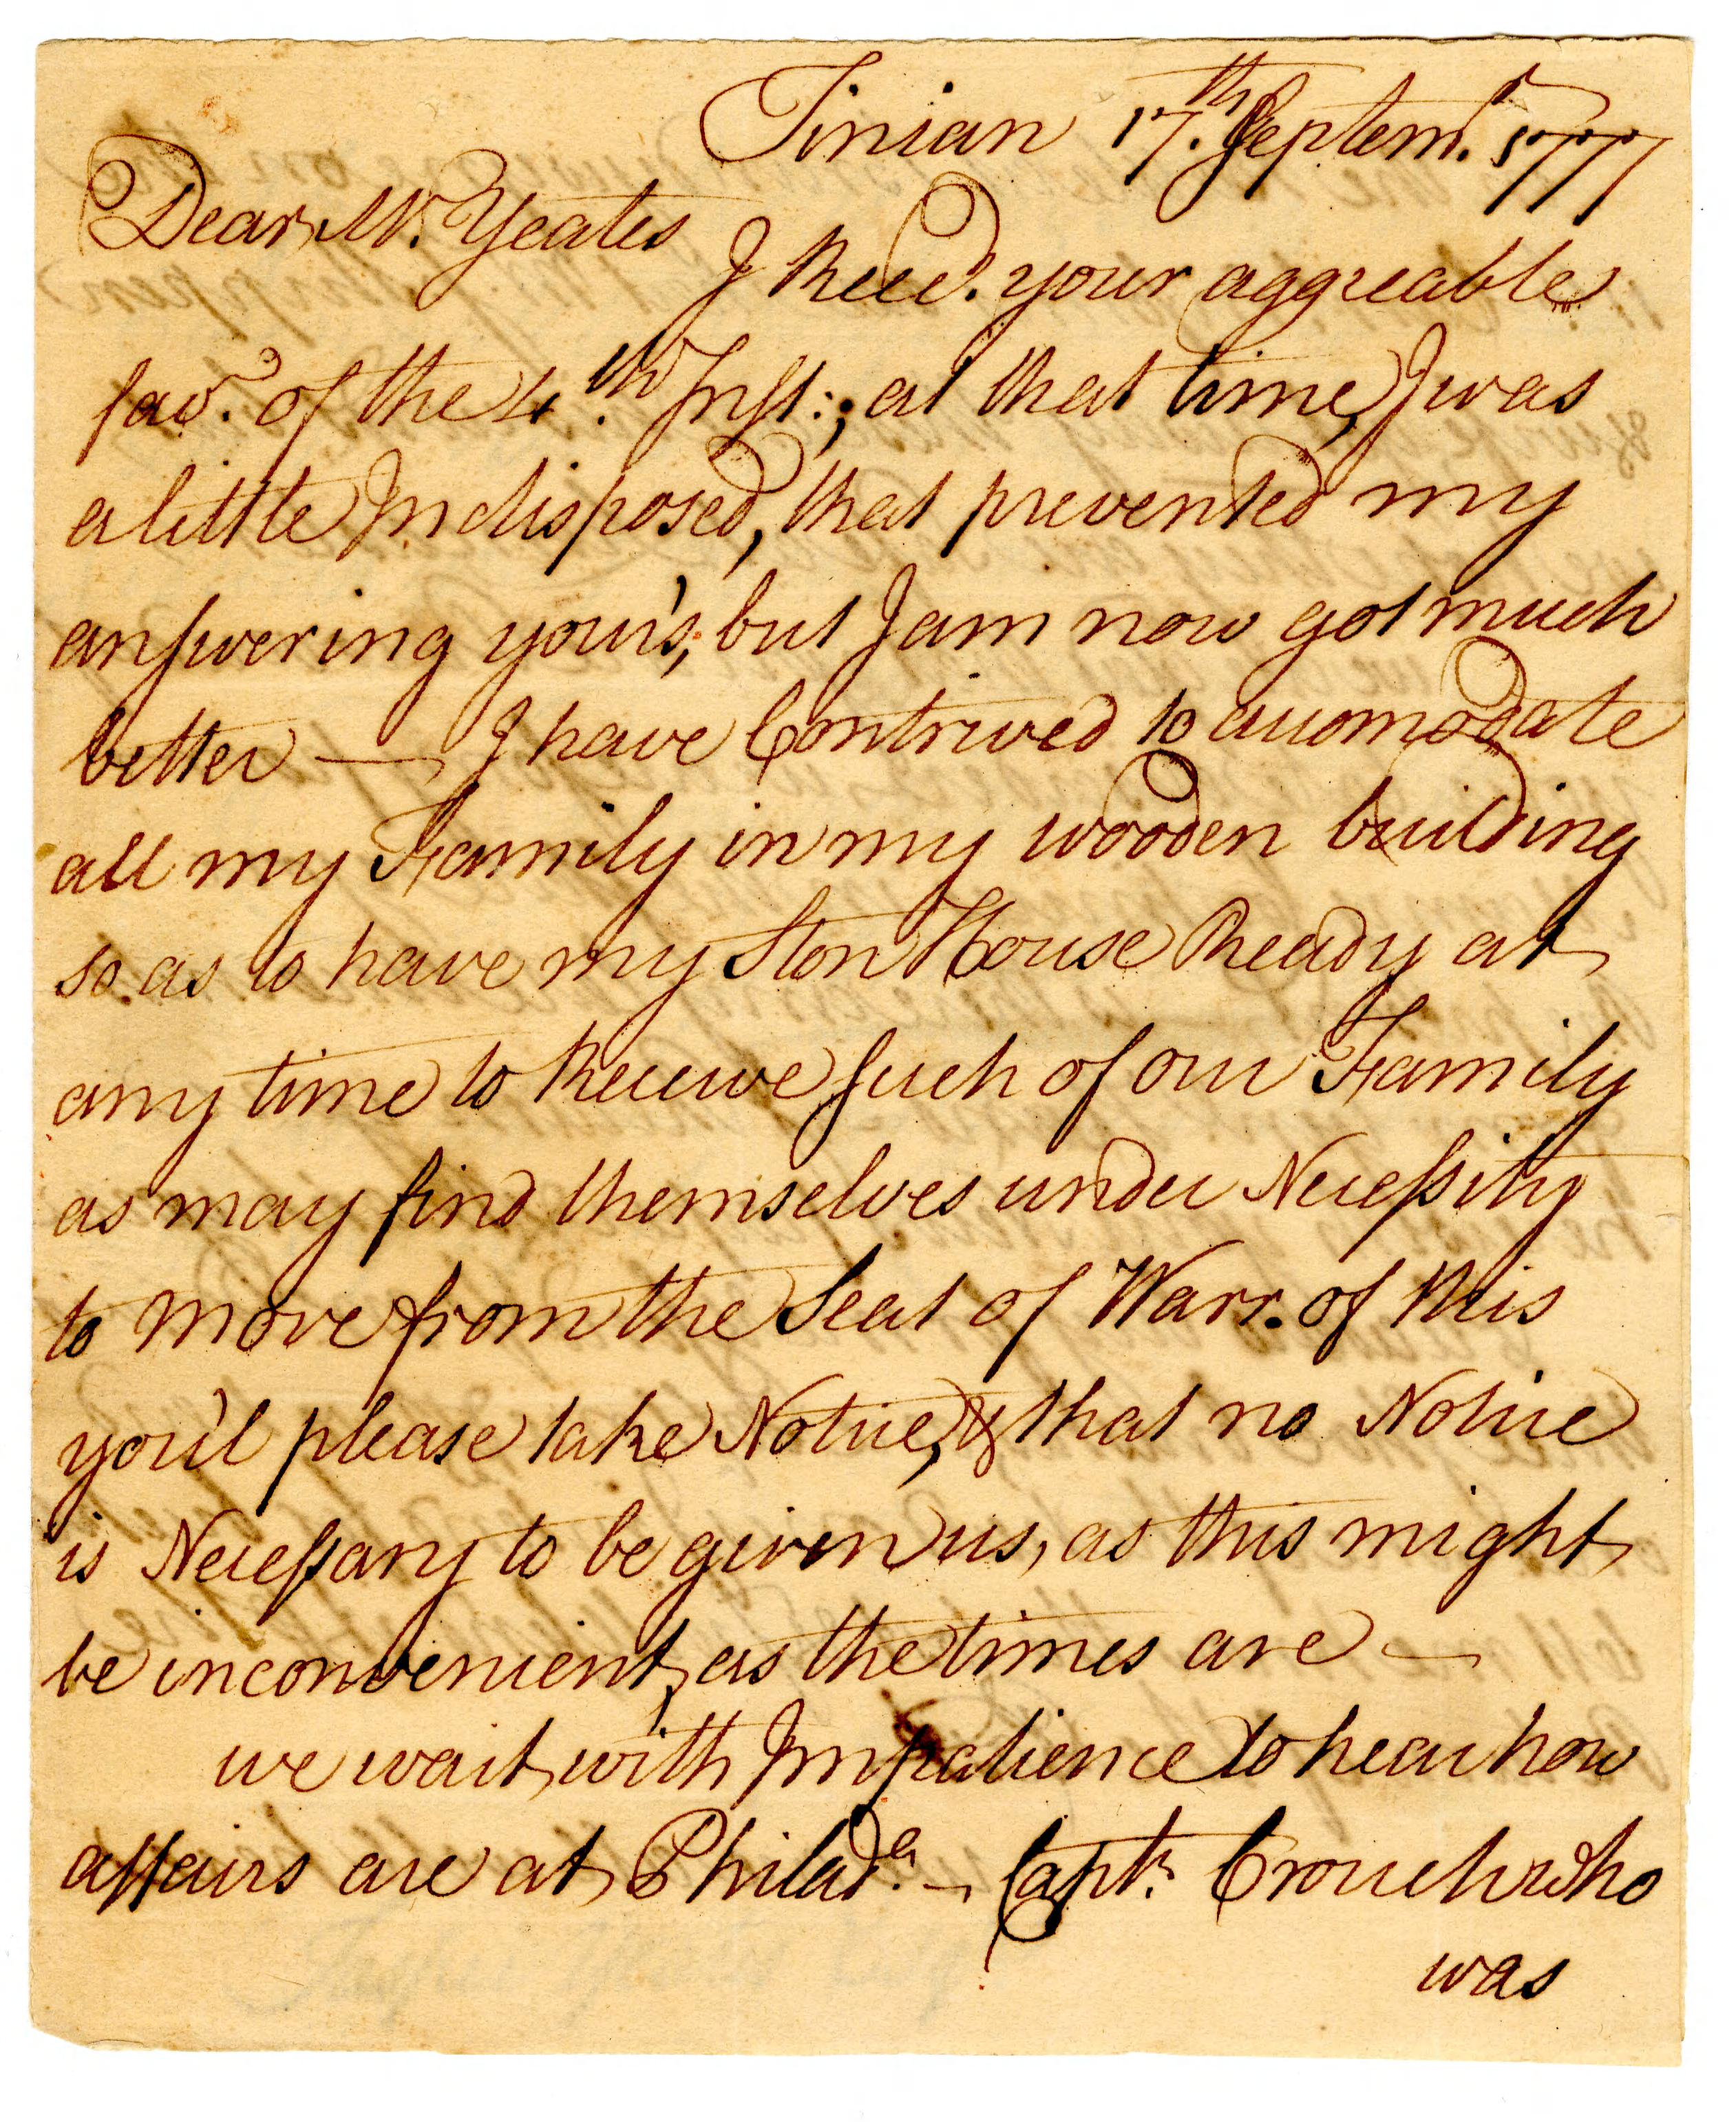Tinian 17. Septem^r. 1777
Dear M^r. Yeates
I Rec^d. your aggreable
fav. of the 4^th Inst:; at that time I was
a little Indisposed, that prevented my
answering your's, but I am now got much
better- I have Contrived to accomodate
all my Family in my wooden building
so as to have my Ston House Ready at
any time to Receive such of our Family
as may find themselves under Necessity
to move from the Seat of Warr. of this
you'l please take Notice, that no Notice
is Necessary to be given us, as this might
be inconvenient, as the times are
we wait with Impatience to hear how
affairs are at Philad^a- Capt. Crouch who
was